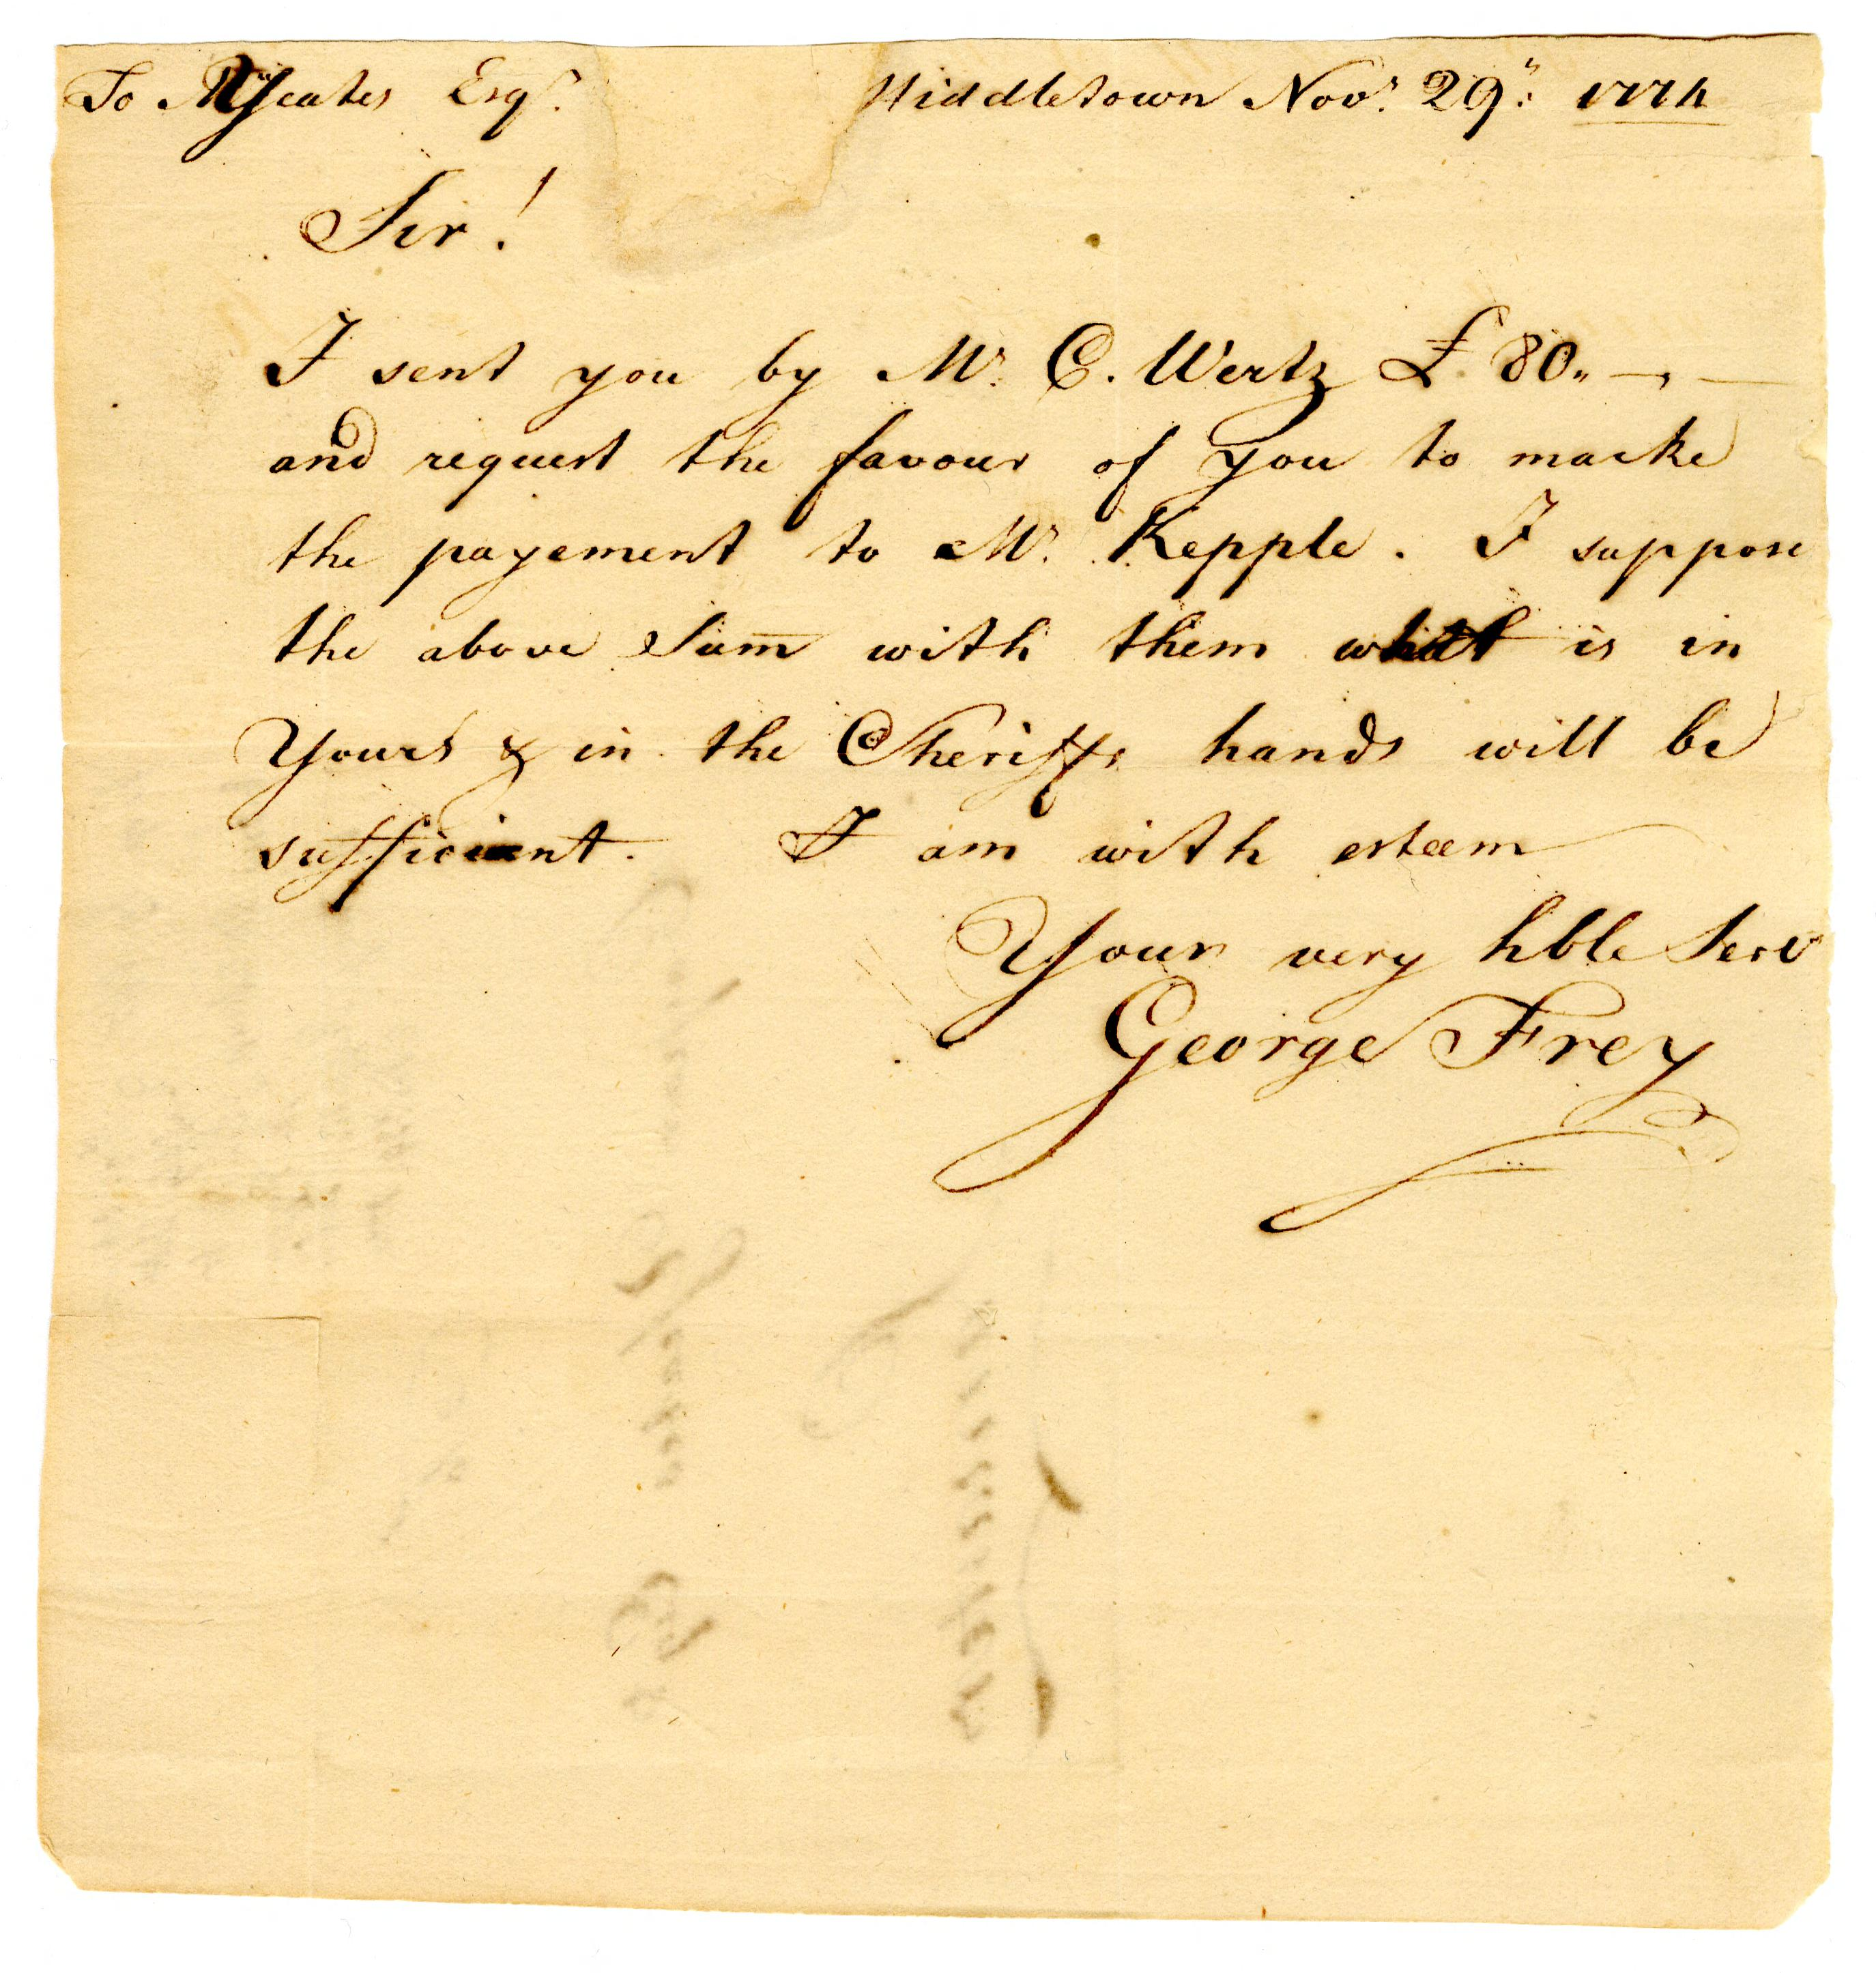Middletown Nov^r. 29^h. 1774
To Yeates Esq^r.
Sir!
I sent you by Mr. C. Wertz £80.
and request the favour of you to macke
the payement to M^r. Kepple. I suppose
the above Sum with them what is in
Yours & in the Sheriffs hands will be
sufficient. I am with esteem
Your very hble Serv
George Frey